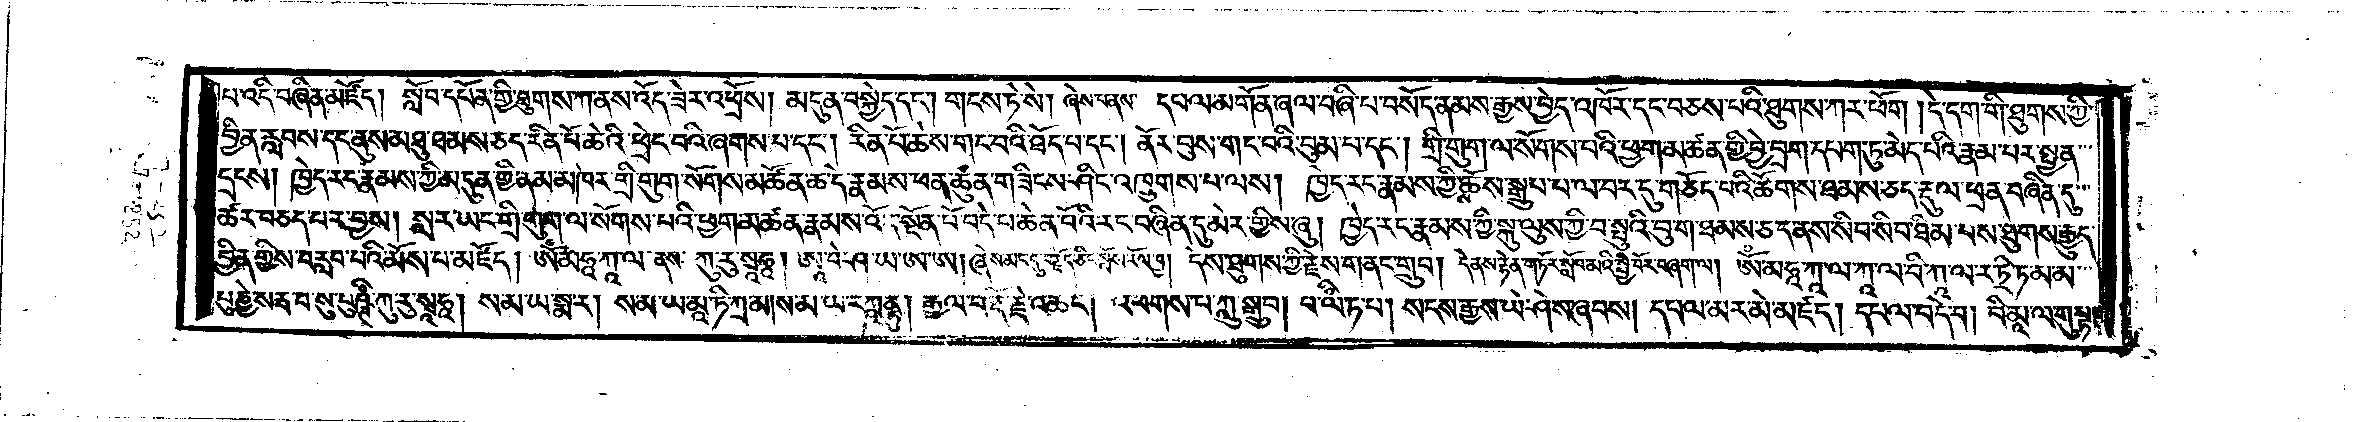པ་འདི་བཞིན་མཛོད། སློབ་དཔོན་གྱི་ཐུགས་ཀ་ནས་འོད་ཟེར་འཕྲོས། མདུན་བསྐྱེད་དང་། གངས་ཏེ་སེ། ཞེས་པ་ནས། དཔལ་མགོན་ཞལ་བཞི་པ་བསོད་ནམས་རྒྱས་བྱེད་འཁོར་དང་བཅས་པའི་ཐུགས་ཀར་ཕོག །དེ་དག་གི་ཐུགས་ཀྱི་
བྱིན་རླབས་དང་ནུས་མཐུ་ཐམས་ཅད་རིན་པོ་ཆེའི་ཕྲེང་བའི་ཞགས་པ་དང་། རིན་པོ་ཆེས་གང་བའི་ཐོད་བ་དང་། ནོར་བུས་གང་བའི་བུམ་པ་དང་། གྲི་གུག་ལ་སོགས་པའི་ཕྱག་མཚན་གྱི་བྱེ་བྲག་དཔག་ཏུ་མེད་པའི་རྣམ་པར་སྤྱན་
དྲངས། ཁྱེད་རང་རྣམས་ཀྱི་མདུན་གྱི་ནམ་མཁར་གྲི་གུག་སོགས་མཚོན་ཆ་དེ་རྣམས་ཕན་ཚུན་གཟིངས་ཤིང་འཁྲུགས་པ་ལས། ཁྱེད་རང་རྣམས་ཀྱིས་ཆོས་སྒྲུབ་པ་ལ་བར་དུ་གཅོད་པའི་ཚོགས་ཐམས་ཅད་རྡུལ་ཕྲན་བཞིན་དུ་
ཚར་བཅད་པར་བྱས། སླར་ཡང་གྲི་གུག་ལ་སོགས་པའི་ཕྱག་མཚན་རྣམས་འོད་སྔོན་པོ་བདེ་བ་ཆེན་པོའི་རང་བཞིན་དུ་མེར་གྱིས་ཞུ། ཁྱེད་རང་རྣམས་ཀྱི་སྐུ་ལུས་ཀྱི་བ་སྤུའི་བུ་ག་ཐམས་ཅད་ནས་སིབ་སིབ་ཐིམ་པ་ཐུག་རྒྱུད་
བྱིན་གྱིས་བརླབ་པའི་མོས་པ་མཛོད། ཨོཾ་མཧཱ་ཀཱ་ལ་ནས་ཀུ་རུ་སྭཱཧཱ། ཨཱ་བེ་ཤ་ཡ་ཨ་ཨ། ཞེས་མང་དུ་བརྗོད་ཅིང་སྤོས་རོལ་བྱ། དེས་ཐུགས་ཀྱི་རྗེས་གནང་གྲུབ། དེ་ནས་རྟེན་གཏོར་སློབ་མའི་སྤྱི་བོར་བཞག་ལ། ཨོཾ་མཧཱ་ཀཱ་ལ་ཀཱ་ལ་བི་ཀཱ་ལ་ར་ཏྲི་ཏ་མ་མ་
པུཎྱེ་སརྦ་བ་སུ་པཿསཊིཾ་ཀུ་རུ་སྭཱཧཱ། ས་མ་ཡ་སྨ་ར། ས་མ་ཡ་མཱ་ཏི་ཀྲ་མ། ས་མ་ཡ་རྐཥྞྟུ། རྒྱལ་བ་རྡོ་རྗེ་འཆང་། འཕགས་པ་ཀླུ་སྒྲུབ། བ་ལི་ཏ་པ། སངས་རྒྱས་ཡེ་ཤེས་ཞབས། དཔལ་མར་མེ་མཛད། དཔལ་བདེ་བ། བི་མཱ་ལ་གུཔྟ།